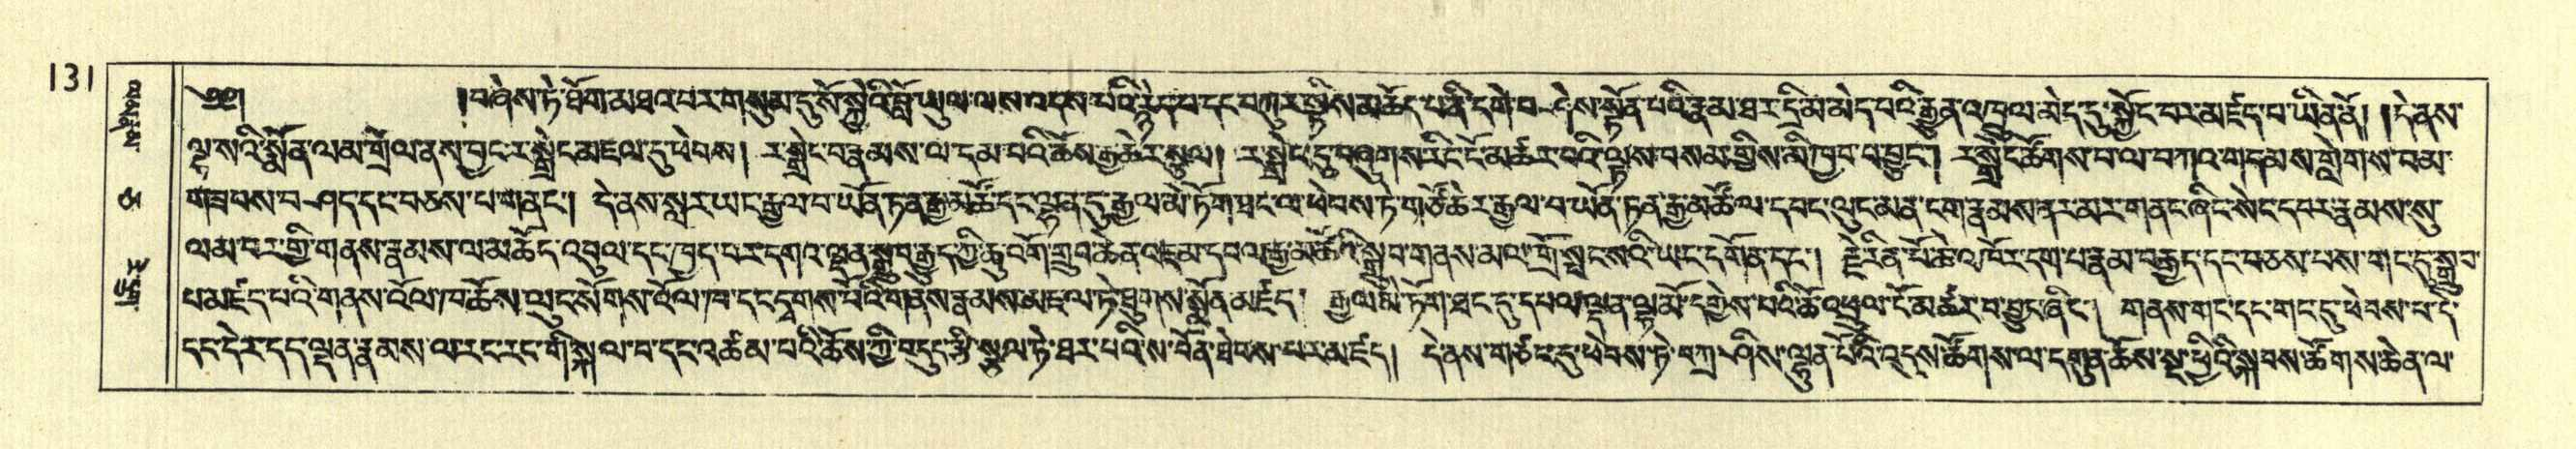༄༅། །བཞེས་ཏེ་ཐོག་མཐའ་བར་གསུམ་དུ་སོ་སྐྱེའི་བློ་ཡུལ་ལས་འདས་པའི་རྙེད་པ་དང་བཀུར་སྟིས་མཆོད་པ་ནི་དགེ་བཤེས་སྟོན་པའི་རྣམ་ཐར་དྲི་མ་མེད་པའི་རྒྱུན་འཁྲུལ་མེད་དུ་སྐྱོང་བར་མཛད་པ་ཡིན་ནོ། །དེ་ནས་
ལྷ་སའི་སྨོན་ལམ་གྲོལ་ནས་བྱང་ར་སྒྲེང་མཇལ་དུ་ཕེབས། ར་སྒྲེང་བ་རྣམས་ལ་དམ་བའི་ཆོས་རྒྱ་ཆེར་སྩལ། ར་སྒྲེང་དུ་བཞུགས་རིང་ངོ་མཚར་བའི་ལྟས་བསམ་གྱིས་མི་ཁྱབ་བ་བྱུང་། ར་སྒྲེང་ཚོགས་བ་ལ་བཀའ་གདམས་གླེགས་བམ་
གཟབས་བཤད་དང་བཅས་པ་གནང་། དེ་ནས་སླར་ཡང་རྒྱལ་བ་ཡོན་ཏན་རྒྱ་མཚོ་དང་ལྷན་དུ་རྒྱལ་མེ་ཏོག་ཐང་ལ་ཕེབས་ཏེ་གཙོ་ཆེར་རྒྱལ་བ་ཡོན་ཏན་རྒྱ་མཚོ་ལ་དབང་ལུང་མན་ངག་རྣམས་ནར་མར་གནང་ཞིང་སེང་དབར་རྣམས་སུ་
ལམ་བར་གྱི་གནས་རྣམས་ལ་མཆོད་འབུལ་དང་ཁྱད་བར་དགའ་ལྡན་སྒྲུབ་རྒྱུད་ཀྱི་ཆུ་འོག་གྲུབ་ཆེན་འཇམ་དཔལ་རྒྱ་མཚོའི་སྒྲུབ་གནས་མལ་གྲོ་སྤང་སའི་ཡང་དགོན་དང་། རྗེ་རིན་པོ་ཆེ་འཁོར་དག་པ་རྣམ་བརྒྱད་དང་བཅས་པས་གང་དུ་སྒྲུབ་
པ་མཛད་པའི་གནས་འོལ་ཁ་ཆོས་ལུང་སོགས་འོལ་ཁ་དང་དྭགས་པོའི་གནས་རྣམས་མཇལ་ཏེ་ཐུགས་སྨོན་མཛད། རྒྱལ་མེ་ཏོག་ཐང་དུ་དཔལ་ལྡན་ལྷ་མོ་དགྱེས་པའི་ཆོ་འཕྲུལ་ངོ་མཚར་བ་བྱུང་ཞིང་། གནས་གང་དང་གང་དུ་ཕེབས་པ་དེ་
དང་དེར་དད་ལྡན་རྣམས་ལ་རང་རང་གི་སྐལ་བ་དང་འཚམ་པའི་ཆོས་ཀྱི་བདུད་རྩི་སྩལ་ཏེ་ཐར་པའི་ས་བོན་ཐེབས་པར་མཛད། དེ་ནས་གཙང་དུ་ཕེབས་ཏེ་བཀྲ་ཤིས་ལྷུན་པོའི་འདུས་ཚོགས་ལ་དགུན་ཆོས་སྔ་ཕྱིའི་སྐབས་ཚོགས་ཆེན་ལ་